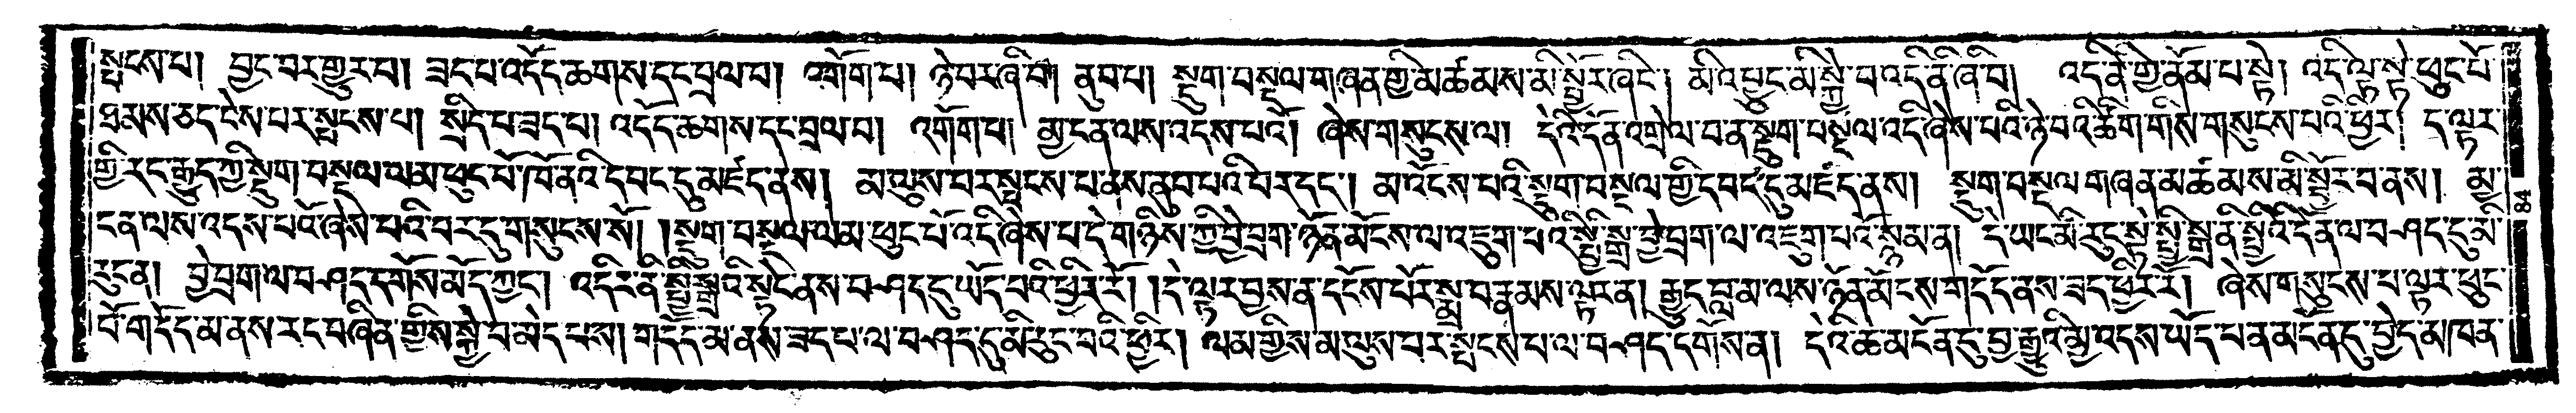སྤངས་པ། བྱང་བར་གྱུར་པ། ཟད་པ་འདོད་ཆགས་དང་བྲལ་བ། འགོག་པ། ཉེ་བར་ཞི་བ། ནུབ་པ། སྡུག་བསྔལ་གཞན་གྱི་མཚམས་མི་སྦྱོར་ཞིང་། མི་འབྱུང་མི་སྐྱེ་བ་འདི་ནི་ཞི་བ། འདི་ནི་གྱ་ནོམ་པ་སྟེ། འདི་ལྟ་སྟེ་ཕུང་པོ་
ཐམས་ཅད་ངེས་པར་སྤངས་པ། སྲིད་པ་ཟད་པ། འདོད་ཆགས་དང་བྲལ་བ། འགོག་པ། མྱ་ངན་ལས་འདས་པའོ། ཞེས་གསུངས་ལ། དེའི་དོན་འགྲེལ་བ་ན་སྡུག་བསྔལ་འདི་ཞེས་པའི་ཉེ་བའི་ཚིག་གིས་གསུངས་པའི་ཕྱིར། ད་ལྟར་
གྱི་རང་རྒྱུད་ཀྱི་སྡུག་བསྔལ་ལམ་ཕུང་པོ་ཁོ་ནའི་དབང་དུ་མཛད་ནས། མ་ལུས་པར་སྤངས་པ་ནས་ནུབ་པའི་བར་དང་། མ་འོངས་པའི་སྡུག་བསྔལ་གྱི་དབང་དུ་མཛད་ནས། སྡུག་བསྔལ་གཞན་མཚམས་མི་སྦྱོར་བ་ནས། མྱ་
ངན་ལས་འདས་པའོ་ཞེས་པའི་བར་དུ་གསུངས་སོ། །སྡུག་བསྔལ་ལམ་ཕུང་པོ་འདི་ཞེས་པ་དེ་གཉིས་ཀྱི་བྱེ་བྲག་ཉོན་མོངས་ལ་འཇུག་པའི་སྤྱི་སྒྲ་བྱེ་བྲག་ལ་འཇུག་པའོ་སྙམ་ན། དེ་ཡང་མི་རུང་སྟེ་སྤྱི་སྒྲ་ནི་སྤྱིའི་དོན་ལ་བཤད་དུ་མི་
རུང་ན། བྱེ་བྲག་ལ་བཤད་དགོས་མོད་ཀྱང་། འདིར་ནི་སྤྱི་སྒྲའི་སྟེང་ནས་བཤད་དུ་ཡོད་པའི་ཕྱིར་རོ། །དེ་ལྟར་བྱས་ན་དངོས་པོར་སྨྲ་བ་རྣམས་ལྟར་ན། རྒྱུད་བླ་མ་ལས་ཉོན་མོངས་གདོད་ནས་ཟད་ཕྱིར་རོ། ཞེས་གསུངས་པ་ལྟར་ཕུང་
པོ་གདོད་མ་ནས་རང་བཞིན་གྱིས་སྐྱེ་བ་མེད་པས། གདོད་མ་ནས་ཟད་པ་ལ་བཤད་དུ་མི་རུང་བའི་ཕྱིར། ལམ་གྱིས་མ་ལུས་པར་སྤངས་པ་ལ་བཤད་དགོས་ན། དེའི་ཚེ་མངོན་དུ་བྱ་རྒྱུའི་མྱང་འདས་ཡོད་པ་ན་མངོན་དུ་བྱེད་མཁན་